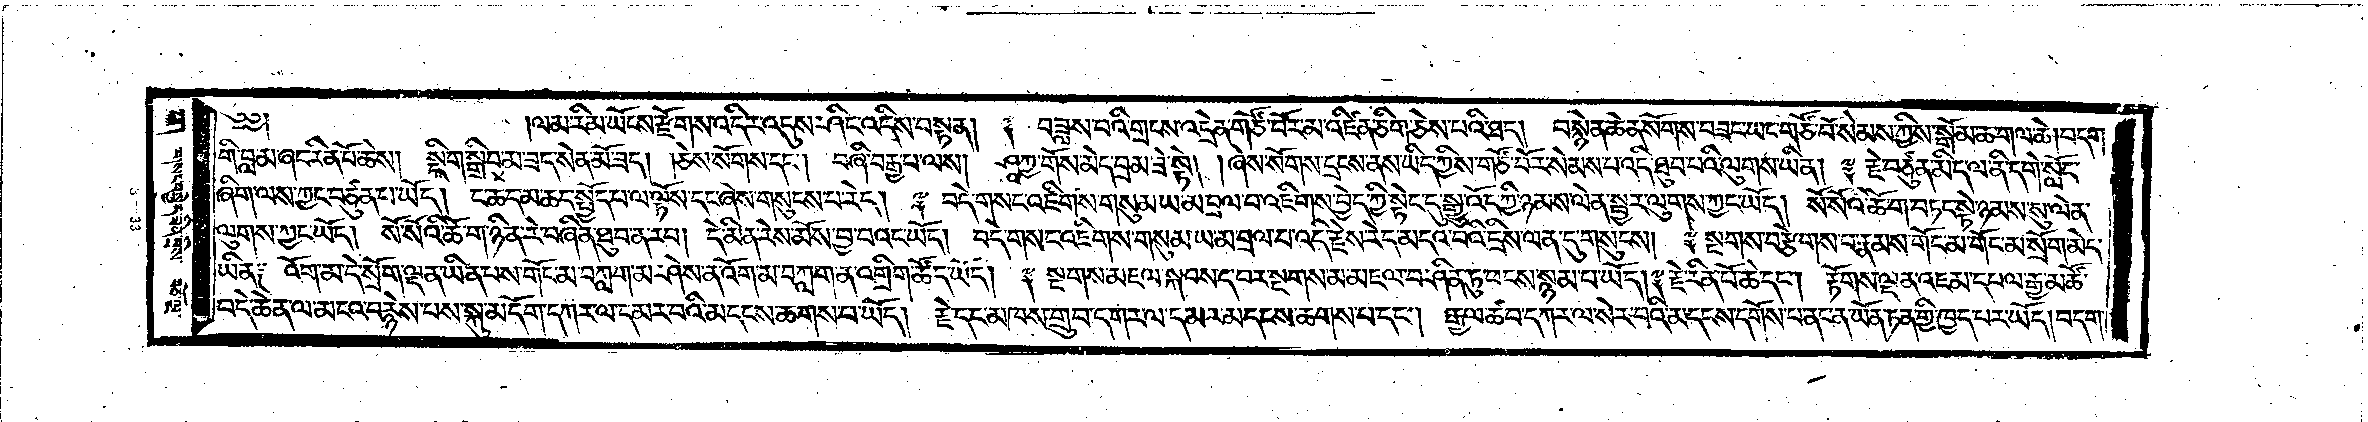༄༅། །ལམ་རིམ་ཡོངས་རྫོགས་འདིར་འདུས་ཤིང་འདིས་བསྟན། ༈ བཟླས་པའི་གྲངས་འདྲེན་གཙོ་བོར་མ་འཛིན་ཅིག་ཅེས་པའི་ཐད། བསྙེན་ཆེན་སོགས་བཟང་ཡང་གཙོ་བོ་སེམས་ཀྱིས་སྒོམ་ཆ་གལ་ཆེ་།བདག་
གི་བླ་མ་ཞང་རིན་པོ་ཆེས། སྡིག་སྒྲིབ྾་མ་ཟད་སེན་མོ་ཟད། །ཅེས་སོགས་དང་། བཞི་བརྒྱ་པ་ལས། ཤཱཀྱ་གོས་མེད་བྲམ་ཟེ་སྟེ། །ཞེས་སོགས་དྲངས་ནས་ཡིད་ཀྱིས་གཙོ་བོར་སེམས་པ་འདི་ཐུབ་པའི་ལུགས་ཡིན། ༈ རྗེ་བཙུན་མིད་ལ་ནི་དགེ་སློང་
ཞིག་ལས་ཀྱང་བཙུན་པ་ཡོད། ང་ཆད་མ་ཆད་སྤྱོད་པ་ལ་ལྟོས་དང་ཞེས་གསུངས་པ་རེད། ༈ བདེ་གསང་འཇིགས་གསུམ་ཡ་མ་བྲལ་བ་འཇིགས་བྱེད་ཀྱི་སྟེང་དུ་སྒྱུ་འོད་ཀྱི་ཉམས་ལེན་སྦྱར་ལུགས་ཀྱང་ཡོད། སོ་སོའི་ཆོ་ག་བཏང་སྟེ་ཉམས་སུ་ལེན་
ལུགས་ཀྱང་ཡོད། སོ་སོའི་ཆོ་ག་ཉིན་རེ་བཞིན་ཐུབ་ན་རབ། དེ་མིན་རེས་མོས་བྱ་བའང་ཡོད། བདེ་གསང་འཇིགས་གསུམ་ཡ་མ་བྲལ་པ་འདི་རྗེས་རེད་མདའ་བའི་དྲིས་ལན་དུ་གསུངས། ༈ སྔགས་བརྩེགས་པ་རྣམས་གོང་མ་གོང་མ་སྲོག་མེད་
ཡིན༑ འོག་མ་དེ་སྲོག་ལྡན་ཡིན་པས་གོང་མ་བཀླག་མ་ཤེས་ན་འོག་མ་བཀླག་ན་འགྲིག་སྟོད་ཡོད། ༈ སྔགས་མཇལ་སྐབས་དབར་སྔགས་མ་མཇལ་བ་ཤིན་ཏུ་ཕངས་སྙམ་པ་ཡོད། ༈ རྗེ་རིན་པོ་ཆེ་དང་། རྟོགས་ལྡན་འཇམ་དཔལ་རྒྱ་མཚོ་
བདེ་ཆེན་ལ་མངའ་བརྙེས་པས་སྐུ་མདོག་དཀར་ལ་དམར་བའི་དམངས་ཆགས་བ་ཡོད། རྗེ་དང་མཁས་གྲུབ་དགར་ལ་དམར་མདངས་ཆགས་པ་དང་། རྒྱལ་ཚབ་དཀར་ལ་སེར་བའི་མདངས་དགོས་པ་ནང་ན་ཡོན་ཏན་གྱི་ཁྱད་པར་ཡོད། བདག་